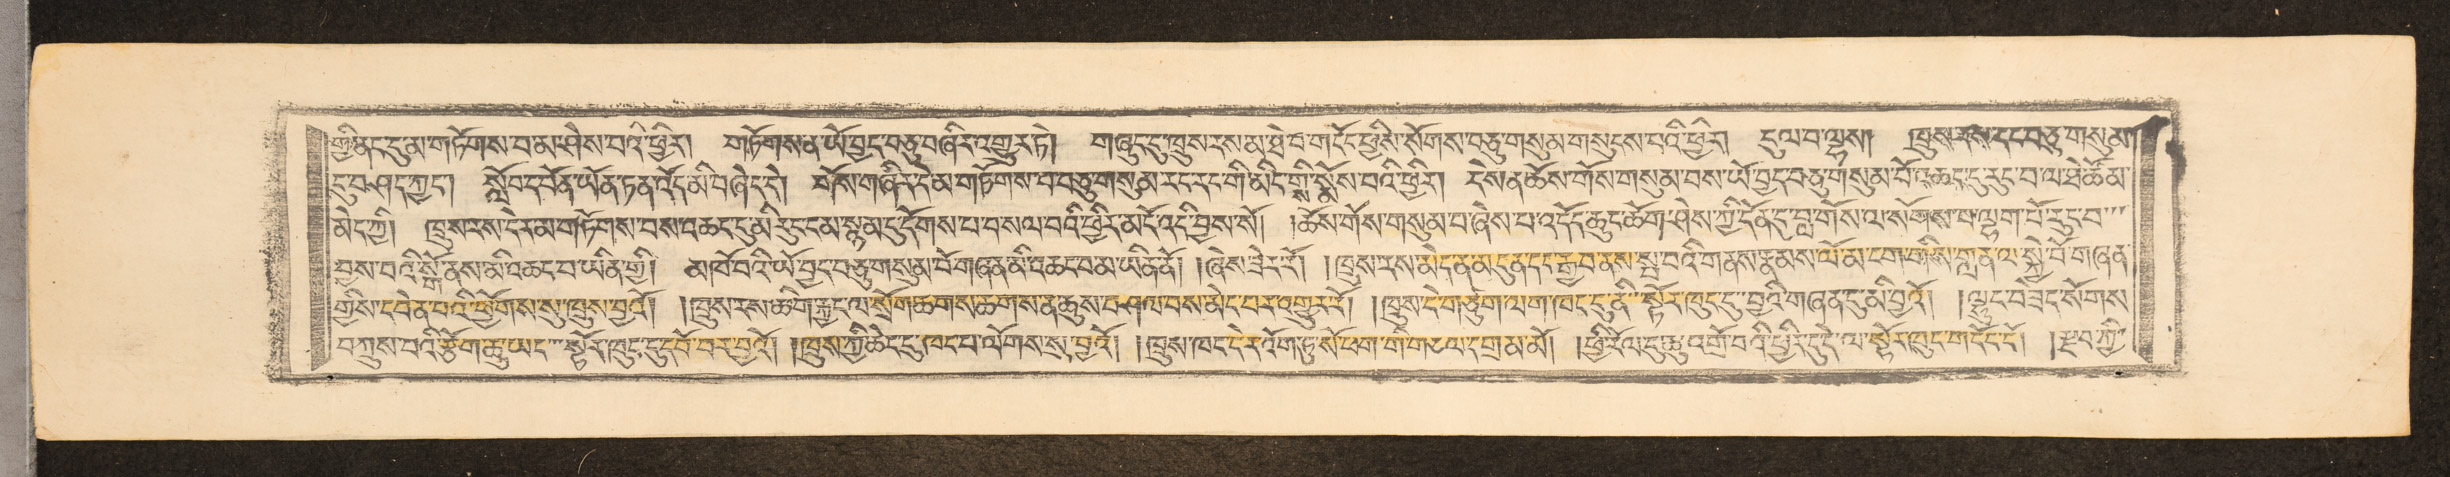གྱི་ནང་དུ་མ་གཏོགས་པ་མ་ཤེས་པའི་ཕྱིར། གཏོགས་ན་ཡོ་བྱད་བཅུ་བཞིར་འགྱུར་ཏེ། གཞུང་དུ་ཁྲུས་རས་མ་ཐེ་བ་གདོང་ཕྱིས་སོགས་བཅུ་གསུམ་གསུངས་པའི་ཕྱིར། དུལ་བ་ལྷས། ཁྲུས་རས་དང་བཅུ་གསུམ་
དུ་བཤད་ཀྱང་། སློབ་དཔོན་ཡོན་ཏན་འོད་མི་བཞེད་དེ། གོས་གཞིར་དེ་མ་གཏོགས་པ་བཅུ་གསུམ་རང་རང་གི་མིང་གིས་སྨོས་པའི་ཕྱིར། དེས་ན་ཆོས་གོས་གསུམ་པས་ཡོ་བྱད་བཅུ་གསུམ་པོ་འཆང་དུ་རུང་བ་ལ་ཐེ་ཚོམ་
མེད་ཀྱི། ཁྲུས་རས་དེར་མ་གཏོགས་པས་འཆང་དུ་མི་རུང་ངམ་སྙམ་དུ་དོགས་པ་བསལ་བའི་ཕྱིར་མདོ་འདི་བྱས་སོ། །ཆོས་གོས་གསུམ་པ་ཞེས་པ་འདོད་ཆུང་ཆོག་ཤེས་ཀྱི་དོན་དུ་བླ་གོས་ལ་སོགས་པ་ལྷག་པོ་རུང་པ་
བྱས་པའི་སྒོ་ནས་མི་འཆད་པ་ཡིན་གྱི། མཁོ་བའི་ཡོ་བྱད་བཅུ་གསུམ་པོ་གཞན་མི་འཆང་བ་མ་ཡིན་ནོ། །ཞེས་ཟེར་རོ། །ཁྲུས་རས་མེད་ན་མདུན་དང་རྒྱབ་ནས་སྦ་བའི་གནས་རྣམས་ལོ་མ་དག་གིས་གླན་ལ་སྐྱེ་བོ་གཞན་
གྱིས་དབེན་པའི་ཕྱོགས་སུ་ཁྲུས་བྱའོ། །ཁྲུས་རས་ཆིག་རྐྱང་ལ་སྲོག་ཆགས་ཆགས་ན་ཆུས་བཤལ་པས་མེད་པར་འགྱུར་རོ། །ཁྲུས་དེ་གཙུག་ལག་ཁང་དུ་ནི་སྟོར་ཁུང་དུ་བྱའི་གཞན་དུ་མི་བྱའོ། །ལྷུང་བཟེད་སོགས་
བཀྲུས་པའི་རྩོག་ཆུ་ཡང་སྟོར་ཁུང་དུ་དབོ་བར་བྱའོ། །ཁྲུས་ཀྱི་ཆེད་དུ་ཁང་པ་ལོགས་སུ་བྱའོ། །ཁྲུས་ཁང་དེར་འོག་ཏུ་སོ་ཕག་གི་གཅལ་དགྲམ་མོ། །ཕྱི་རོལ་དུ་ཆུ་འགྲོ་བའི་ཕྱིར་དུ་དེ་ལ་སྟོང་ཁུང་གདོད་དོ། །རྫབ་ཀྱི་